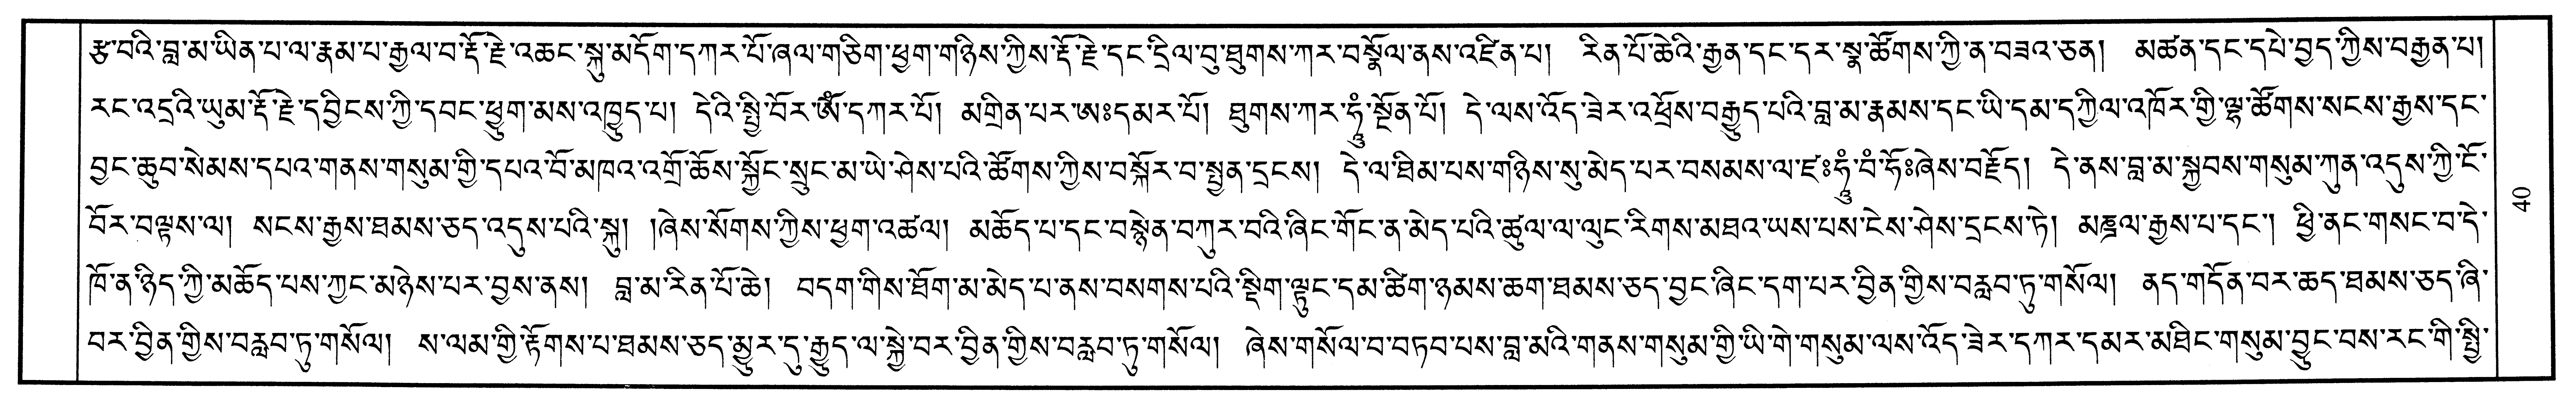རྩ་བའི་བླ་མ་ཡིན་པ་ལ་རྣམ་པ་རྒྱལ་བ་རྡོ་རྗེ་འཆང་སྐུ་མདོག་འཆང་སྐུ་མདོག་དཀར་པོ་ཞལ་གཅིག་ཕྱག་གཉིས་ཀྱིས་རྡོ་རྗེ་དང་དྲིལ་བུ་ཐུགས་ཀར་བསྣོལ་ནས་འཛིན་པ། རིན་པོ་ཆེའི་རྒྱན་དང་དར་ན་ཚོགས་ཀྱི་ན་བཟའ་ཅན། མཚན་དང་དཔེ་བྱད་ཀྱིས་བརྒྱན་པ།
རང་འདྲའི་ཡུམ་རྡོ་རྗེ་དབྱིངས་ཀྱི་དབང་ཕྱུག་མས་འཁྱུད་པ། དེའི་སྤྱི་བོར་ཨོཾ་དཀར་པོ། མགྲིན་པར་ཨཿ དམར་པོ། ཐུགས་ཀར་ཧཱུཾ་སྔོན་པོ། དེ་ལས་འོད་ཟེར་འཕྲོས་བརྒྱུད་པའི་བླ་མ་རྣམས་དང་ཡི་དམ་དཀྱིལ་འཁོར་གྱི་ལྷ་ཚོགས་སངས་རྒྱས་དང་
བྱང་ཆུབ་སེམས་དཔའ་གནས་གསུམ་གྱི་དཔའ་བོ་མཁའ་འགྲོ་ཆོས་སྐྱོང་སྲུང་མ་ཡེ་ཤེས་པའི་ཚོགས་ཀྱིས་བསྐོར་བ་སྤྱན་དྲངས། དེ་ལ་ཐིམ་པས་གཉིས་སུ་མེད་པར་བསམས་ལ་ཛཿ ཧཱུཾ་བཾ་ཧོཿ ཞེས་བརྗོད། དེ་ནས་བླ་མ་སྐྱབས་གསུམ་ཀུན་འདུས་ཀྱི་ངོ་
བོར་བལྟས་ལ། སངས་རྒྱས་ཐམས་ཅད་འདུས་པའི་སྐུ། །ཞེས་སོགས་ཀྱིས་ཕྱག་འཚལ། མཆོད་པ་དང་བསྙེན་བཀུར་བའི་ཞིང་གོང་ན་མེད་པའི་ཚུལ་ལ་ལུང་རིགས་མཐའ་ཡས་པས་ངེས་ཤེས་དྲངས་ཏེ། མཎྜལ་རྒྱས་པ་དང་། ཕྱི་ནང་གསང་བ་དེ་
ཁོ་ན་ཉིད་ཀྱི་མཆོད་པས་ཀྱང་མཉེས་པར་བྱས་ནས། །བླ་མ་རིན་པོ་ཆེ། བདག་གིས་ཐོག་མ་མེད་པ་ནས་བསགས་པའི་སྡིག་ལྟུང་དམ་ཚིག་ཉམས་ཆག་ཐམས་ཅད་བྱང་ཞིང་དག་པར་བྱིན་གྱིས་བརླབ་ཏུ་གསོལ། ནད་གདོན་བར་ཆད་ཐམས་ཅད་ཞི་
བར་བྱིན་གྱིས་བརླབ་ཏུ་གསོལ། ས་ལམ་གྱི་རྟོགས་པ་ཐམས་ཅད་མྱུར་དུ་རྒྱུད་ལ་སྐྱེ་བར་བྱིན་གྱིས་བརླབ་ཏུ་གསོལ། ཞེས་གསོལ་བ་བཏབ་པས་བླ་མའི་གནས་གསུམ་གྱི་ཡི་གེ་གསུམ་ལས་འོད་ཟེར་དཀར་དམར་མཐིང་གསུམ་བྱུང་བས་རང་གི་སྤྱི་